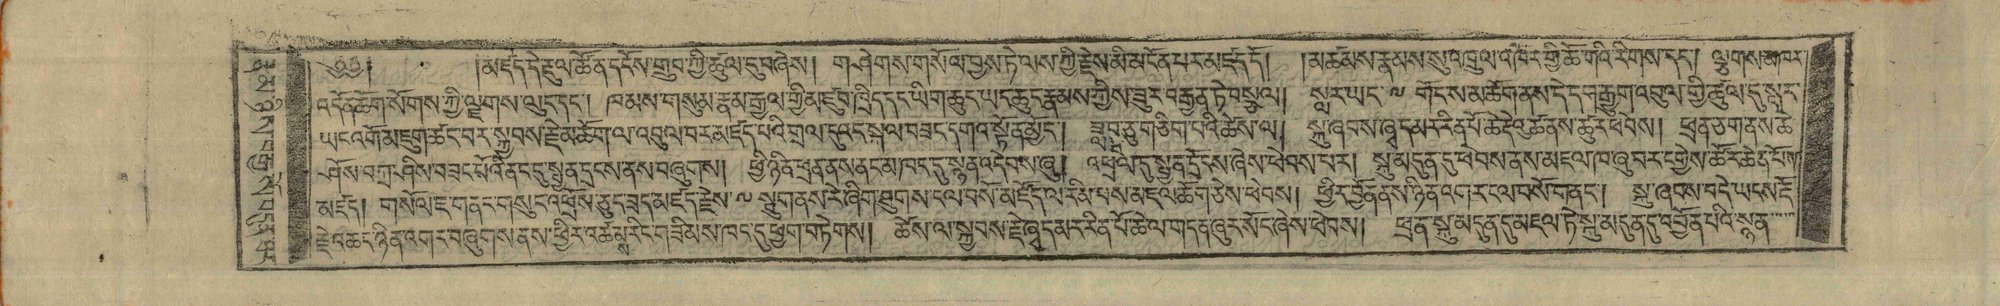༄༅། །མཛད་དེ་རྡུལ་ཚོན་དངོས་གྲུབ་ཀྱི་ཚུལ་དུ་བཞེས། གཤེགས་གསོལ་བྱས་ཏེ་ལས་ཀྱི་རྗེས་མི་མངོན་པར་མཛད་དོ། །མཚམས་རྣམས་སུ་འཁྲུལ་འཁོར་གྱི་ཆོ་གའི་རིགས་དང་། ལྕགས་མཁར་
འདོན་ཆོག་སོགས་ཀྱི་ལྗགས་ལུང་དང་། ཁམས་གསུམ་རྣམ་རྒྱལ་གྱི་མཛུབ་ཁྲིད་དང་ཡིག་ཆུང་ཡང་ཆུང་རྣམས་ཀྱིས་ཟུར་བརྒྱན་ཏེ་བསྩལ། སླར་ཡང་༧གོང་ས་མཆོག་ནས་དེ་དག་རྒྱུག་འབུལ་གྱི་ཚུལ་དུ་སླར་
ཡང་འགོ་མཇུག་ཚང་བར་སྐྱབས་རྗེ་མཆོག་ལ་འབུལ་བར་མཛད་པའི་གྲལ་དུའང་སྐལ་བཟང་དགའ་སྟོན་མྱོང་། ཟླ་བ་བཅུ་གཅིག་པའི་ཚེས་ལ། སྐུ་ཞབས་ཞྭ་དམར་རིན་པོ་ཆེ་རྡེའུ་ཚ་ནས་ཚུར་ཕེབས། ཕྲན་ཅག་ནས་ཆེ་
ཤོས་བཀྲ་ཤིས་བཟང་པོའི་ནང་དུ་སྤྱན་དྲངས་ནས་བཞུགས། ཕྱི་ཉིན་ཕྲན་ནས་ནང་མ་ཁང་དུ་སྙན་འདེབས་ཞུ། འཕྲལ་དུ་སྤྱན་དྲོངས་ཞེས་ཕེབས་པར། སྐུ་མདུན་དུ་ཕེབས་ནས་མཇལ་ཁ་ཞུ་བར་དགྱེས་ཚོར་ཆེན་པོས་
མཛད། གསོལ་ཇ་གནང་གསུང་འཕྲོས་ཅུང་ཟད་མཛད་རྗེས་༧སྦུག་ནས་རེ་ཞིག་ཐུགས་ངལ་བསོ་མཛོད་ལ་རིམ་པས་མཇལ་ཆོག་ཅེས་ཕེབས། ཕྱིར་བྱོན་ནས་ཉིན་འགར་ངལ་བསོ་གནང་། སྐུ་ཞབས་བདེ་ཡངས་རྡོ་
རྗེ་འཆང་ཉིན་འགར་བཞུགས་ནས་ཕྱིར་འཚམས་རིང་གཟིམས་ཁང་དུ་ཕྱག་བཏེགས། ཚེས་ལ་སྐྱབས་རྗེ་ཞྭ་དམར་རིན་པོ་ཆེ་ལ་གདན་ཞུར་སོང་ཞེས་ཕེབས། ཕྲན་སྐུ་མདུན་དུ་མཇལ་ཏེ་སྐུ་མདུན་དུ་འབྱོན་པའི་སྙན་